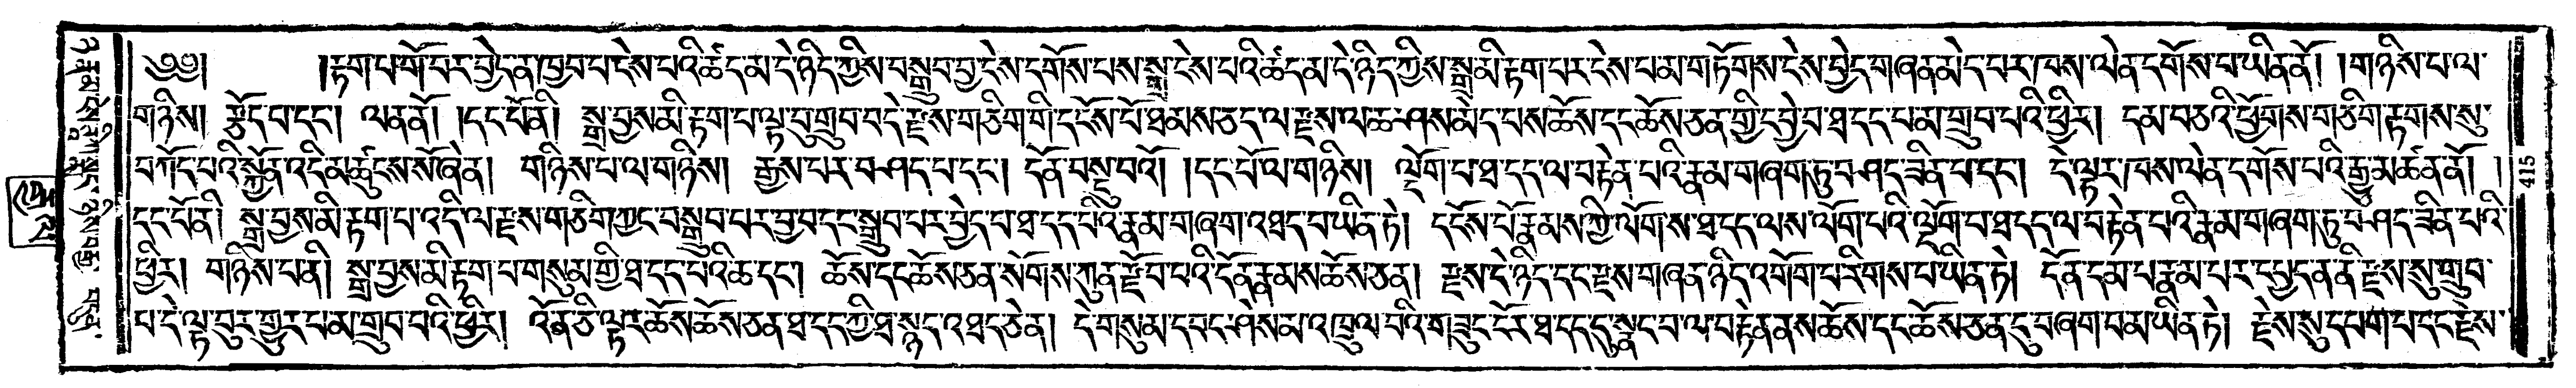༄༅། །རྟག་པ་གོ་བར་བྱེད་ན་ཁྱབ་པ་ངེས་པའི་ཚད་མ་དེ་ཉིད་ཀྱིས་བསྒྲུབ་བྱ་ངེས་དགོས་པས་སྒྲ་ངེས་པའི་ཚད་མ་དེ་ཉིད་ཀྱིས་སྒྲ་མི་རྟག་པར་ངེས་པ་མ་གཏོགས་ངེས་བྱེད་གཞན་མེད་པར་ཁས་ལེན་དགོས་པ་ཡིན་ནོ། །གཉིས་པ་ལ་
གཉིས། རྩོད་པ་དང་། ལན་ནོ། །དང་པོ་ནི། སྒྲ་བྱས་མི་རྟག་པ་ལྟ་བུ་གྲུབ་བདེ་རྫས་གཅིག་གི་དངོས་པོ་ཐམས་ཅད་ལ་རྫས་ལ་ཆ་ཤས་མེད་པས་ཆོས་དང་ཆོས་ཅན་གྱི་དབྱེ་བ་ཐ་དད་པ་མ་གྲུབ་པའི་ཕྱིར། དམ་བཅའི་ཕྱོགས་གཅིག་རྟགས་སུ་
བཀོད་པའི་སྐྱོན་འདི་མཚུངས་སོ་ཞེ་ན། གཉིས་པ་ལ་གཉིས། རྒྱས་པར་བཤད་པ་དང་། དོན་བསྡུ་བའོ། །དང་པོ་ལ་གཉིས། ལྡོག་པ་ཐ་དད་ལ་བརྟེན་པའི་རྣམ་གཞག་ཏུ་བཤད་ཟིན་པ་དང་། དེ་ལྟར་ཁས་ལེན་དགོས་པའི་རྒྱུ་མཚན་ནོ། །
དང་པོ་ནི། སྒྲ་བྱས་མི་རྟག་པ་འདི་ལ་རྫས་གཅིག་ཀྱང་བསྒྲུབ་པར་བྱ་བ་དང་སྒྲུབ་པར་བྱེད་པ་ཐ་དད་པའི་རྣམ་གཞག་འཐད་པ་ཡིན་ཏེ། དངོས་པོ་རྣམས་ཀྱི་ལོག་ས་ཐ་དད་ལས་ལོག་པའི་ལྡོག་པ་ཐ་དད་ལ་བརྟེན་པའི་རྣམ་གཞག་ཏུ་བཤད་ཟིན་པའི་
ཕྱིར། གཉིས་པ་ནི། སྒྲ་བྱས་མི་རྟག་པ་གསུམ་གྱི་ཐ་དད་པའི་ཆ་དང་། ཆོས་དང་ཆོས་ཅན་སོགས་ཀུན་རྫོབ་པའི་དོན་རྣམས་ཆོས་ཅན། རྫས་དེ་ཉིད་དང་རྫས་གཞན་ཉིད་འགོག་པ་རིགས་པ་ཡིན་ཏེ། དོན་དམ་པ་རྣམ་པར་དཔྱད་ན་ནི་རྫས་སུ་གྲུབ་
པ་དེ་ལྟ་བུར་གྱུར་པ་མ་གྲུབ་པའི་ཕྱིར། འོ་ན་ཅི་ལྟར་ཆོས་ཆོས་ཅན་ཐ་དད་ཀྱི་ཐ་སྙད་འཐད་ཅེ་ན། དེ་གསུམ་དབང་ཤེས་མ་འཁྲུལ་བའི་གཟུང་ངོར་ཐ་དད་དུ་སྣང་བ་ལ་བརྟེན་ནས་ཆོས་དང་ཆོས་ཅན་དུ་བཞག་པ་མ་ཡིན་ཏེ། རྗེས་སུ་དཔག་པ་དང་རྗེས་